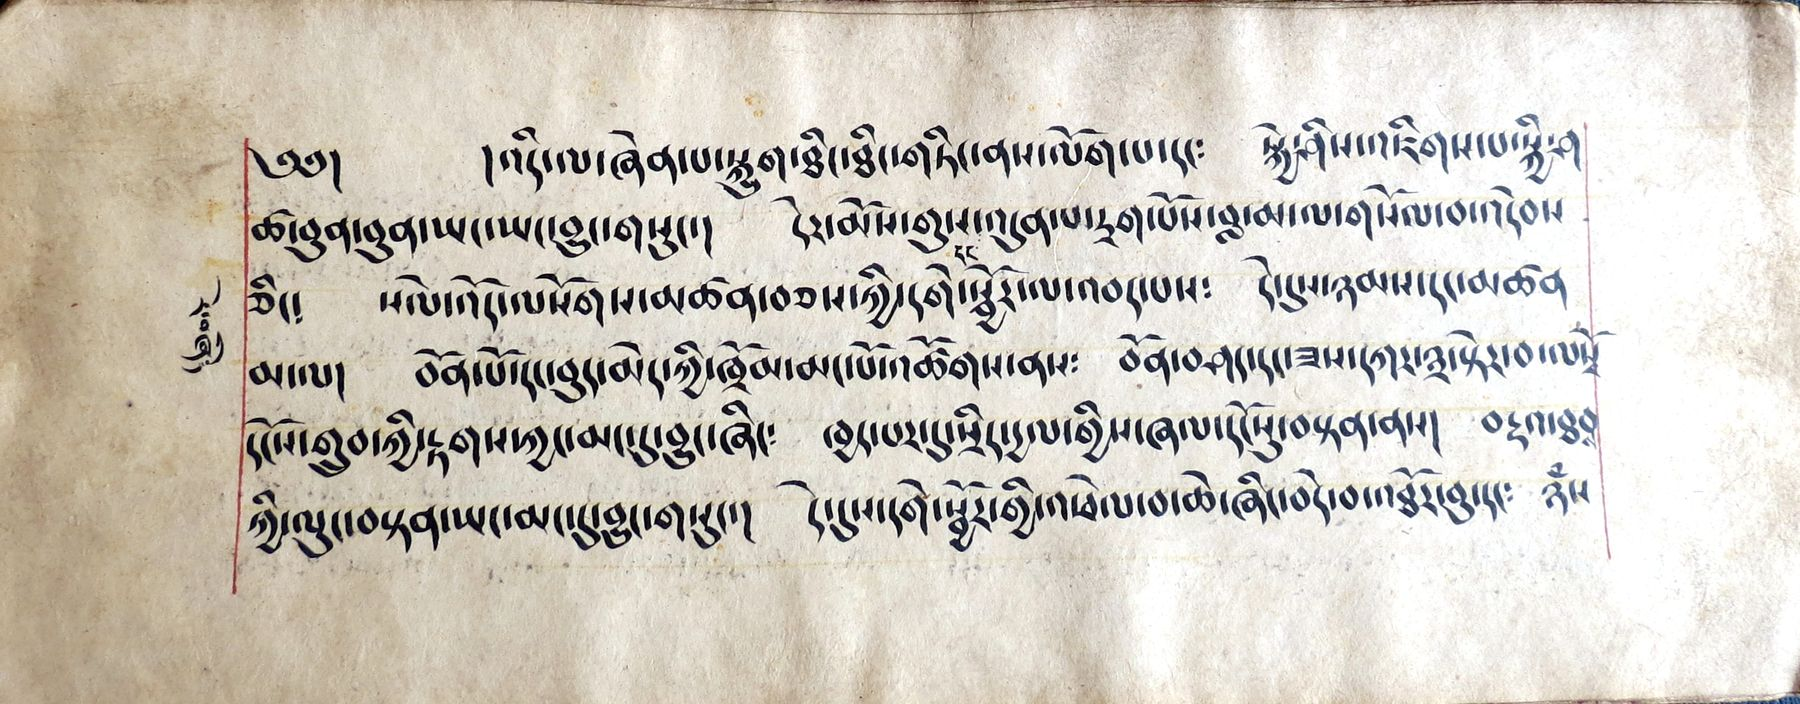འདི་ལ་ཞེན་པ་སྐྱུག་ཐིང་ཐིང་གཏིང་ནས་ལོག་པ་དང་། སྐྱེ་ཤིས་འཇིགས་པ་སྐྱི་ཤ་
ཚ་བུན་བུན་ཡང་ཡང་བྱུང་གསུངས། དེར་མོས་གུས་དང་འདུན་པ་དྲག་པོས་བླ་མ་ལ་གསོལ་འདེབས་
ཅིང་སལེ་འོད་ལ་སོགས་མཚན་བཅས་ཀྱི་དགེ་སྦྱོར་ལ་འབད་པས། དེ་དུས་ཉམས་དང་མཚན་
མ་ལ། བོན་པོ་དང་བུད་མེད་ཀྱི་ཁྲོམ་མང་པོ་ཚོགས་ནས། བོན་བཤད་དང་ཟས་དཀར་གསུམ་སྟེར་བ་ལ་སོགས་
དངོས་གྲུབ་གྱི་རྟགས་ཀྱང་མང་དུ་བྱུང་ཞིང་། ཁྱད་པར་དུ་སྲིད་རྒྱལ་གྱིས་ཞལ་དངོས་སུ་བསྟན་ནས་བརྡ་ཐབས་
ཀྱི་ལུང་བསྟན་ཡང་མང་དུ་བྱུང་གསུངས། དེ་དུས་དགེ་སྦྱོར་གྱི་འཕེལ་བ་ཆེ་ཞིང་བདེ་བ་འཐོར་བུ་དང་། ཉམས་